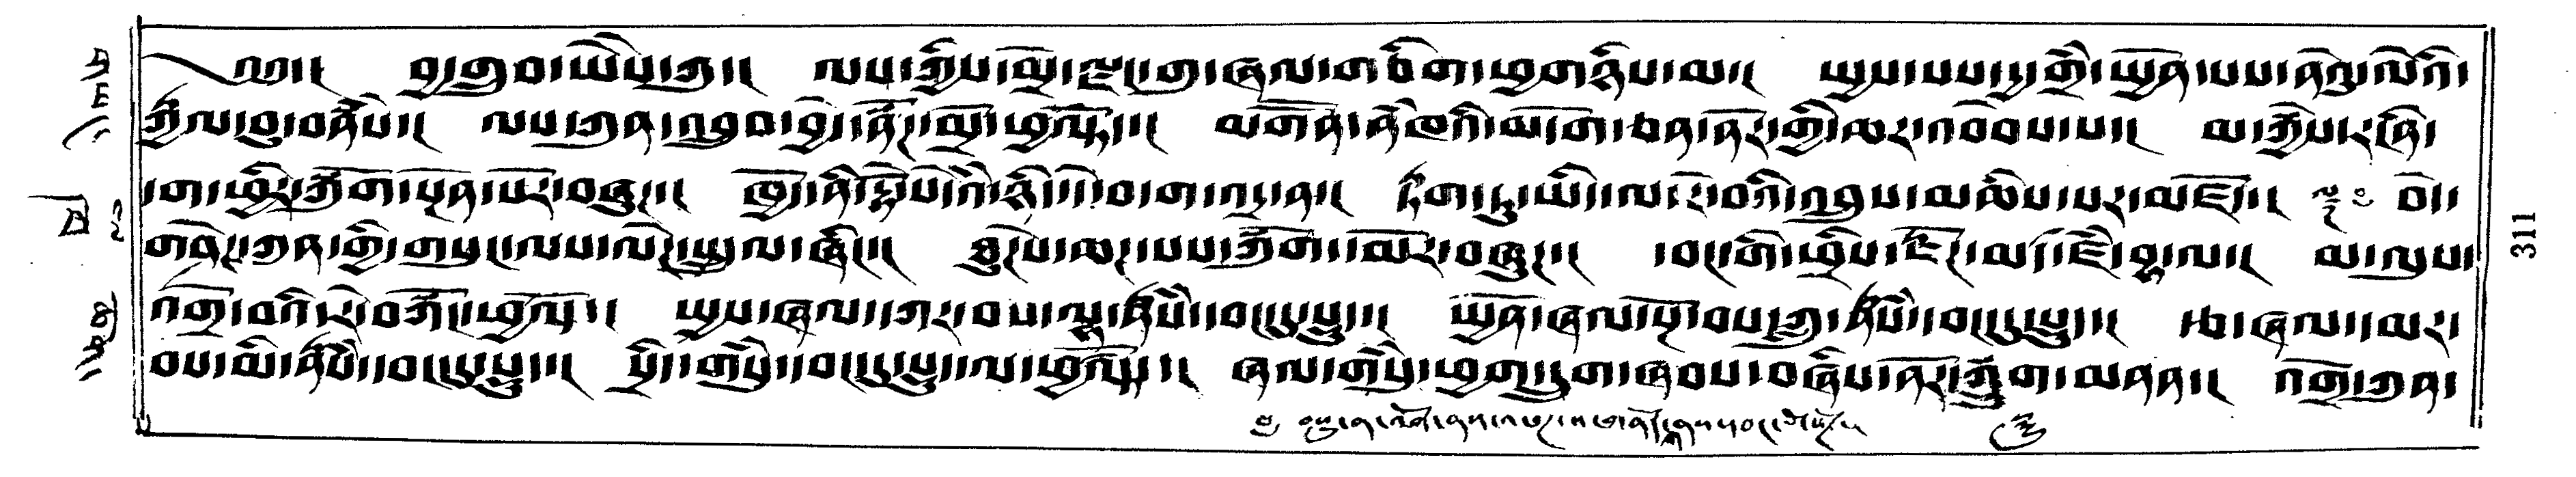བྱ་གྲུབ་ཡེ་ཤེས་སྐུ། །ལས་ཀྱི་མཁའ་འགྲོ་ལྗང་གུ་ཞལ་གཅིག་ཕྱག་གཉིས་མ། །གཡས་པས་རྒྱ་གྲམ་གཡོན་པས་ནེའུ་ལེའི་
རྐྱལ་བུ་བསྣམས། །ལས་ཀུན་འགྲུབ་བྱེད་སྣ་ཚོགས་མཁའ་འགྲོར་ཕྱག་འཚལ་བསྟོད། །མགོན་པོ་ནམ་མཁའི་མདོག་ཅན་ནོར་གྱི་ཆར་འབེབས་པ། །མ་སྐྱེས་རང་བཞིན་
དག་ཕྱིར་སྐུ་མདོག་སྔོན་པོར་བཞུགས། ཁྱོད་ནི་རྡོ་རྗེ་སེམས་དཔའ་ཉིད་དེ་བདག་འདྲ་ན། །རྟག་ཏུ་ཡིད་ལ་རེ་བའི་འབྲས་བུ་མཆིས་པར་མཛོད།། ༈ བསྡུ་ན་འོག་ནས། འཕགས་པ་གནོད་གནས་དབང་པོ་སོགས། །བེད་
གཤེགས་ཀུན་ཀྱི་གསུང་ལས་ལེགས་སྤྲུལ་ཞིང་། །ཐུགས་རྗེས་ཆགས་པས་སྐུ་མདོག་དམར་པོ་བཞུགས། །དབང་གི་ཕྲིན་ལས་རྫོགས་མཛད་ཛམ་བྷ་ལ། །མ་ལུས་
འགྲོ་བའི་རེ་སྐོང་ཕྱག་འཚལ་བསྟོད། །གཡས་ཞལ་དཀར་བས་ལྷ་རྣམས་དབང་དུ་སྡུད། །གཡོན་ཞལ་སྔོ་བས་ཀླུ་རྣམས་དབང་དུ་སྡུད། །རྩ་ཞལ་དམར་
བས་མི་རྣམས་དབང་དུ་སྡུད། །སྲིད་གསུམ་དབང་དུ་སྡུད་ལ་ཕྱག་འཚལ་བསྟོད། །ཞལ་གསུམ་ཕྱག་དྲུག་ཞབས་བཞིས་ནོར་སྐྱུག་མནན། །འགྲོ་ཀུན་